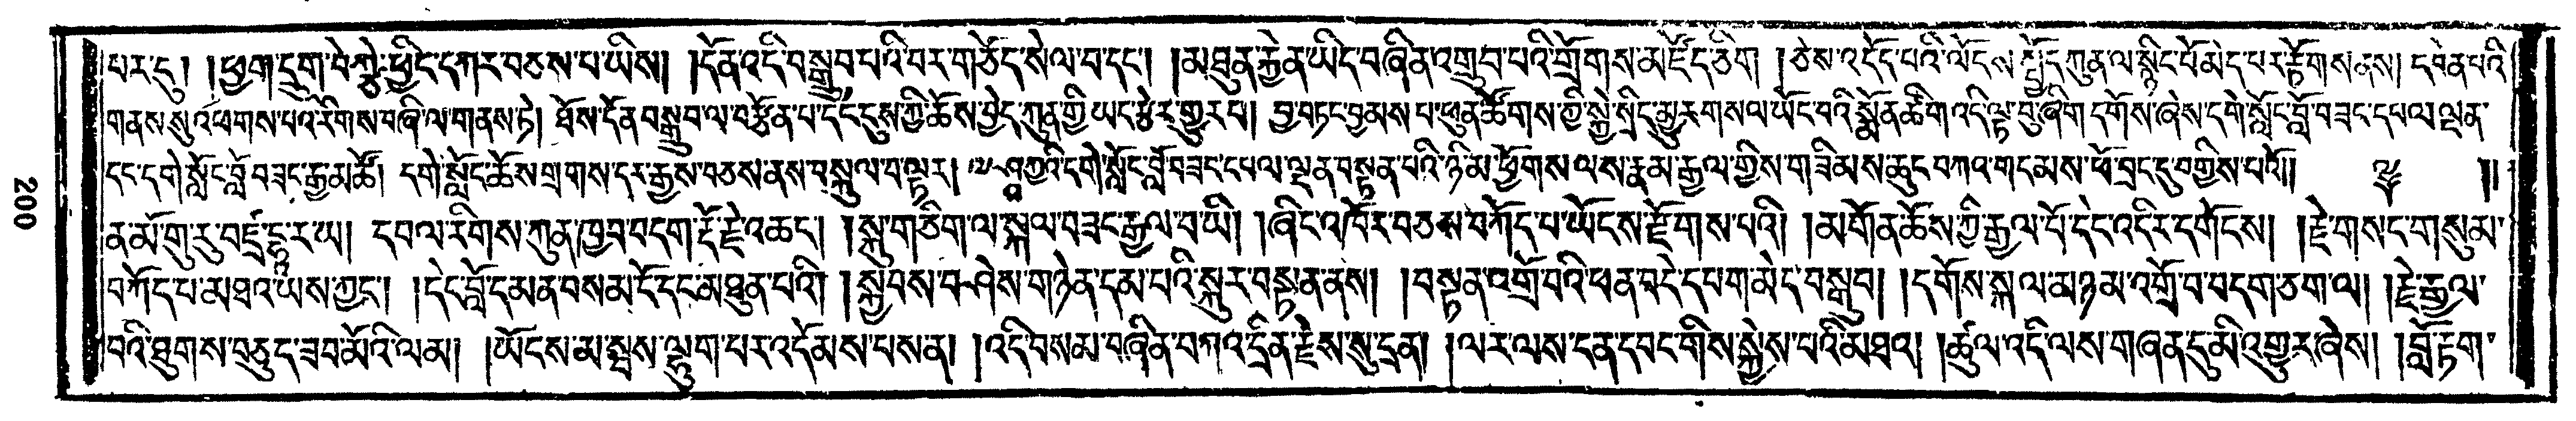པར་དུ། །ཕྱག་དྲུག་བེཀྩེ་ཕྱིང་དཀར་བཅས་པ་ཡིས། །དོན་འདི་བསྒྲུབ་པའི་བར་གཅོད་སེལ་བ་དང་། །མཐུན་རྐྱེན་ཡིད་བཞིན་འགྲུབ་པའི་གྲོགས་མཛོད་ཅིག །ཅེས་འདོད་པའི་ལོངས་སྤྱོད་ཀུན་ལ་སྙིང་པོ་མེད་པར་རྟོགས་ནས། དབེན་པའི་
གནས་སུ་འཕགས་པའི་རིགས་བཞི་ལ་གནས་ཏེ། ཐོས་དོན་བསྒྲུབ་ལ་བརྩོན་པ་དང་དུས་ཀྱི་ཆོས་བྱེད་ཀུན་གྱི་ཡང་རྩེར་གྱུར་པ། བྱ་བཏང་བྱམས་པ་ཕུན་ཚོགས་ཀྱི་སྐྱེ་སྲིད་མྱུར་གསལ་ཡོང་བའི་སྨོན་ཚིག་འདི་ལྟ་བུ་ཞིག་དགོས་ཞེས་དགེ་སློང་བློ་བཟང་དཔལ་ལྡན་
དང་དགེ་སློང་བློ་བཟང་རྒྱ་མཚོ། དགེ་སློང་ཆོས་གྲགས་དར་རྒྱས་བཅས་ནས་བསྐུལ་བ་ལྟར། ༧་ཤཱཀྱའི་དགེ་སློང་བློ་བཟང་དཔལ་ལྡན་བསྟན་པའི་ཉི་མ་ཕྱོགས་ལས་རྣམ་རྒྱལ་གྱིས་གཟིམས་ཆུང་བཀའ་གདམས་ཕོ་བྲང་དུ་བགྱིས་པའོ།། ༈ །།
ན་མོ་གུ་རུ་བཛྲ་དྷཱ་ར་ཡ། དབལ་རིགས་ཀུན་ཁྱབ་བདག་རྡོ་རྗེ་འཆང་། །སྐུ་གཅིག་ལ་སྐལ་བཟང་རྒྱལ་བ་ཡི། །ཞིང་འཁོར་བཅས་བཀོད་པ་ཡོངས་རྫོགས་པའི། །མགོན་ཆོས་ཀྱི་རྒྱལ་པོ་དེང་འདིར་དགོངས། །རྗེ་གསང་གསུམ་
བཀོད་པ་མཐའ་ཡས་ཀྱང་། །དེང་བློ་དམན་བསམ་ངོ་དང་མཐུན་པའི། །སྐྱབས་བཤེས་གཉེན་དམ་པའི་སྐུར་བསྟན་ནས། །བསྟན་འགྲོ་བའི་ཕན་བདེ་དཔག་མེད་བསྒྲུབ། །དགོས་སྐལ་མཉམ་འགྲོ་བ་བདག་ཅག་ལ། །རྗེ་རྒྱལ་
བའི་ཐུགས་བཅུད་ཟབ་མོའི་ལམ། །ཡོངས་མ་སྦས་ལྷུག་པར་འདོམས་པས་ན། །འདི་བསམ་བཞིན་བཀའ་དྲིན་རྗེས་སུ་དྲན། །ལར་ལས་ངན་དབང་གིས་སྐྱེས་པའི་མཐའ། །ཚུལ་འདི་ལས་གཞན་དུ་མི་འགྱུར་ཞེས། །བློ་རྟག་